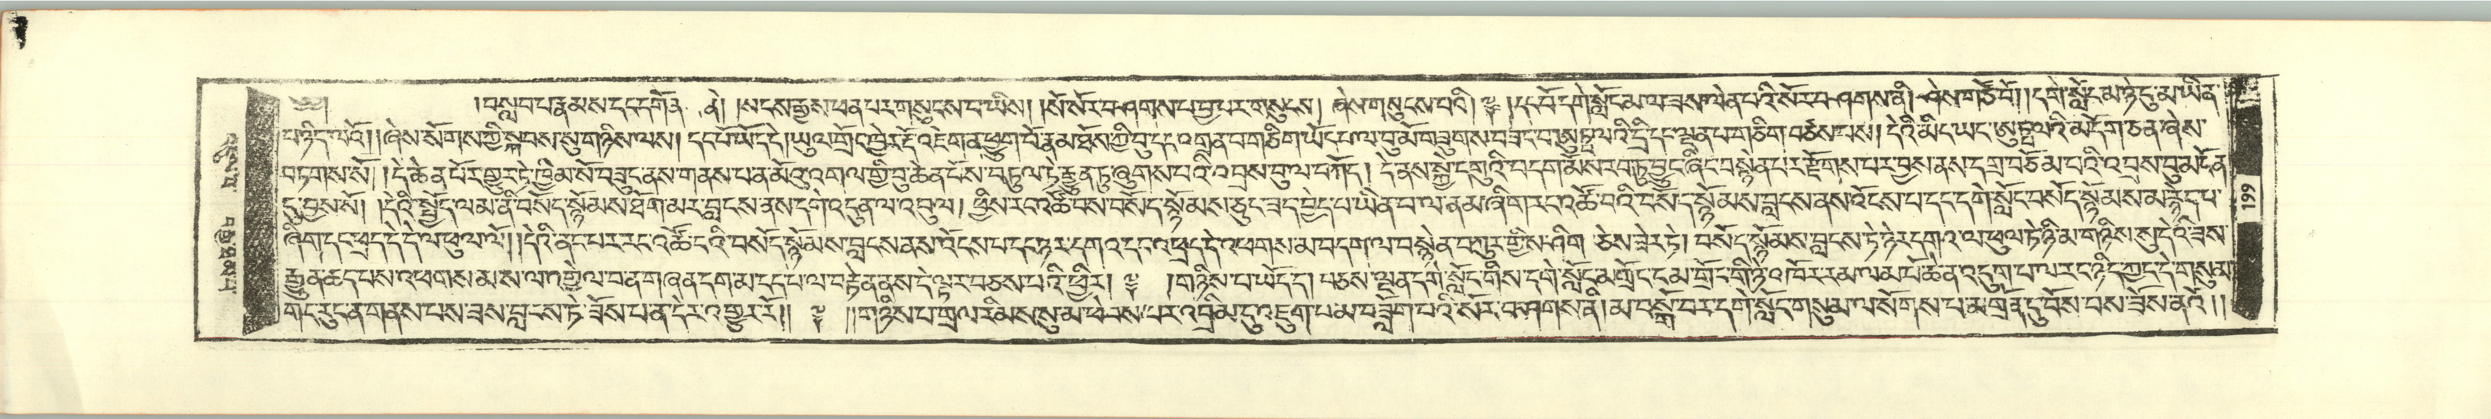༄༅། །བསླབ་པ་རྣམས་དང་དགོན་པ་ནི། །སངས་རྒྱས་ཕན་པར་གསུངས་པ་ཡིས། །སོ་སོར་བཤགས་པ་བྱ་བར་གསུངས། ཞེས་གསུངས་པའི། ༈ །དང་པོ་དགེ་སློང་མ་ལ་ཟས་ལེན་པའི་སོར་བཤགས་ནི། ཤེས་གཙོ་བོ། །དགེ་སློང་མ་ཉེ་དུ་མ་ཡིན་
པ་ཉིད་ལའོ། །ཞེས་སོགས་ཀྱི་སྐབས་སུ་གཉིས་ལས། དང་པོ་ཡོད་དེ། ཡུལ་གྲོང་ཁྱེར་རྡོ་འཇེག་ན་ཕྱུག་པོ་རྣམ་ཐོས་ཀྱི་བུ་དང་འགྲན་བ་གཅིག་ཡོད་པ་ལ་བུ་མོ་གཟུགས་བཟང་བ་ཨུཏཔླའི་དྲི་དང་ལྡན་པ་གཅིག་བཙས་པས། དེའི་མིང་ཡང་ཨུཏཔླའི་མདོག་ཅན་ཞེས་
བཏགས་སོ། །དེ་ཆེན་པོར་གྱུར་ཏེ་ཁྱིམ་སོ་བཟུང་ནས་གནས་པ་ན་མོའུ་འགལ་གྱི་བུ་ཆེན་པོས་བཏུལ་ཏེ་རྒྱུན་ཏུ་ཞུགས་པའི་འབྲས་བུ་ལ་བཀོད། དེ་ནས་སྐྱེ་དགུའི་བདག་མོས་རབ་ཏུ་བྱུང་ཞིང་བསྙེན་པར་རྫོགས་པར་བྱས་ནས་དགྲ་བཅོམ་པའི་འབྲས་བུ་མངོན་
དུ་བྱས་སོ། །དེའི་སྤྱོད་ལམ་ནི་བསོད་སྙོམས་ཐོག་མར་བླངས་ནས་དགེ་འདུན་ལ་འབུལ། ཕྱིས་རང་འཚོ་བས་བསོད་སྙོམས་ཅུང་ཟད་བྱེད་པ་ཡིན་པ་ལ་ནམ་ཞིག་རང་འཚོ་བའི་བསོད་སྙོམས་བླངས་ནས་འོངས་པ་དང་དགེ་སློང་བསོད་སྙོམས་མ་རྙེད་པ་
ཞིག་དང་ཕྲད་དེ་དེ་ལ་ཕུལ་ལོ། །དེའི་ནང་པར་རང་འཚོ་ངའི་བསོད་སྙོམས་བླངས་ནས་འོངས་པ་དང་ཉར་དགའ་དང་འཕྲད་དེ་འཕགས་མ་བདག་ལ་བསྙེན་བཀུར་གྱིས་ཤིག་ཅེས་ཟེར་ཏེ། བསོད་སྙོམས་བླངས་ཏེ་ཉེར་དགའ་ལ་ཕུལ་ཏེ་ཉི་མ་གཉིས་སུ་དེའི་ཟས་
རྒྱུན་ཆད་པས་འཕགས་མ་ས་ལ་འགྱེལ་བ་ན་གཞན་དག་མ་དད་པ་ལ་བརྟེན་ནས་དེ་ལྟར་བཅས་པའི་ཕྱིར། ༈ །གཉིས་པ་ཡོད་དེ། བཅས་ལྡན་དགེ་སློང་གིས་དགེ་སློང་མ་གྲོང་ངམ་གྲོང་གི་ཉེ་འཁོར་རམ་ལམ་པོ་ཆེ་ན་འདུག་པ་ལ་རྣག་ཉིད་ཀྱང་དེ་གསུམ་
གང་རུང་ན་གནས་པས་ཟས་བླངས་ཏེ་ཟོས་པ་ན་དེར་འགྱུར་རོ།། ༈ །།གཉིས་པ་གྲལ་རིམས་སུ་མ་ཕེབས་པར་འབྲིམ་དུ་འཇུག་པ་མ་བཟློག་པའི་སོར་བ་ཤགས་ནི། མ་བསྒོ་བར་དགེ་སློང་གསུམ་ལ་སོགས་པ་མགྲོན་དུ་བོས་པས་ཟོས་ནའོ།།